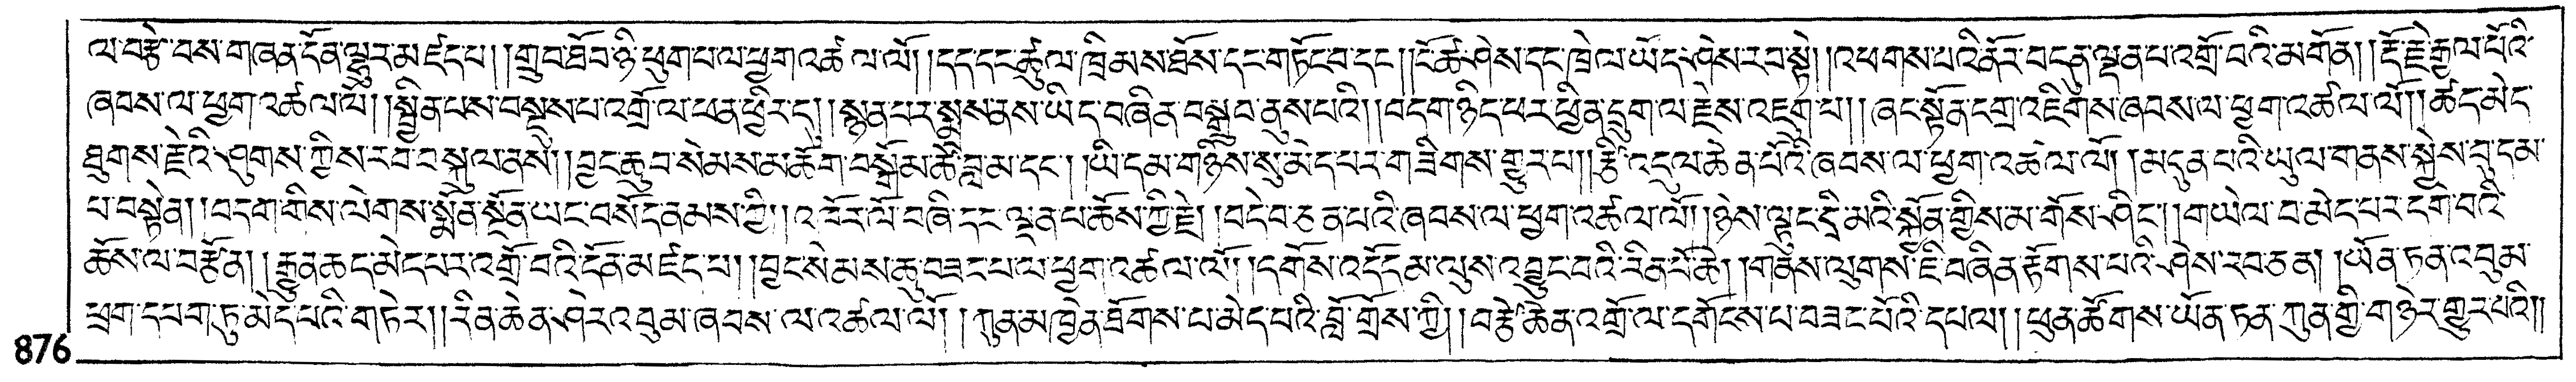ལ་བརྩེ་བས་གཞན་དོན་ལྷུར་མཛད་པ། །གྲུབ་ཐོབ་ཉི་ཕུག་པ་ལ་ཕྱག་འཚལ་ལོ། །དད་དང་ཚུལ་ཁྲིམས་ཐོས་དང་གཏོང་བ་དང་། །ངོ་ཚ་ཤེས་དང་ཁྲེལ་ཡོད་ཤེས་རབ་སྟེ། །འཕགས་པའི་ནོར་བདུན་ལྡན་པ་འགྲོ་བའི་མགོན། །རྡོ་རྗེ་རྒྱལ་པོའི་
ཞབས་ལ་ཕྱག་འཚལ་ལོ། །སྦྱིན་པས་བསྡུས་པ་འགྲོ་ལ་ཕན་ཕྱིར་དུ། །སྙན་པར་སྨྲས་ནས་ཡིད་བཞིན་བསྒྲུབ་ནུས་པའི། །བདག་ཉིད་ཕར་ཕྱིན་དྲུག་ལ་རྗེས་འཇུག་པ། །ཞང་སྟོན་དགྲ་འཇིགས་ཞབས་ལ་ཕྱག་འཚལ་ལོ། །ཚད་མེད་
ཐུགས་རྗེའི་ཤུགས་ཀྱིས་རབ་བསྐུལ་ནས། །བྱང་ཆུབ་སེམས་མཆོག་བསྒོམ་ཚེ་བླ་མ་དང་། །ཡི་དམ་གཉིས་སུ་མེད་པར་གཟིགས་གྱུར་པ། །རྩི་འདུལ་ཆེན་པོའི་ཞབས་ལ་ཕྱག་འཚལ་ལོ། །མདུན་པའི་ཡུལ་གནས་སྐྱེས་བུ་དམ་
པ་བསྟེན། །བདག་གིས་ལེགས་སྨོན་སྔོན་ཡང་བསོད་ནམས་ཀྱི། །འཁོར་ལོ་བཞི་དང་ལྡན་པ་ཆོས་ཀྱི་རྗེ། །བདེ་བ་ཅན་པའི་ཞབས་ལ་ཕྱག་འཚལ་ལོ། །ཉེས་ལྟུང་དྲི་མའི་སྐྱོན་གྱིས་མ་གོས་ཤིང་། །གཡེལ་བ་མེད་པར་དགེ་བའི་
ཆོས་ལ་བརྩོན། །རྒྱུན་ཆད་མེད་པར་འགྲོ་བའི་དོན་མཛད་པ། །བྱང་སེམས་ཆུ་བཟང་པ་ལ་ཕྱག་འཚལ་ལོ། །དགོས་འདོད་མ་ལུས་འབྱུང་བའི་རིན་པོ་ཆེ། །གནས་ལུགས་ཇི་བཞིན་རྟོགས་པའི་ཤེས་རབ་ཅན། །ཡོན་ཏན་འབུམ་
ཕྲག་དཔག་ཏུ་མེད་པའི་གཏེར། །རིན་ཆེན་ཤེར་འབུམ་ཞབས་ལ་འཚལ་ལོ། །ཀུན་མཁྱེན་ཐོགས་པ་མེད་པའི་བློ་གྲོས་ཀྱི། །བརྩེ་ཆེན་འགྲོ་ལ་དགོངས་པ་བཟང་པོའི་དཔལ། །ཕུན་ཚོགས་ཡོན་ཏན་ཀུན་གྱི་གཉེར་གྱུར་པའི།།